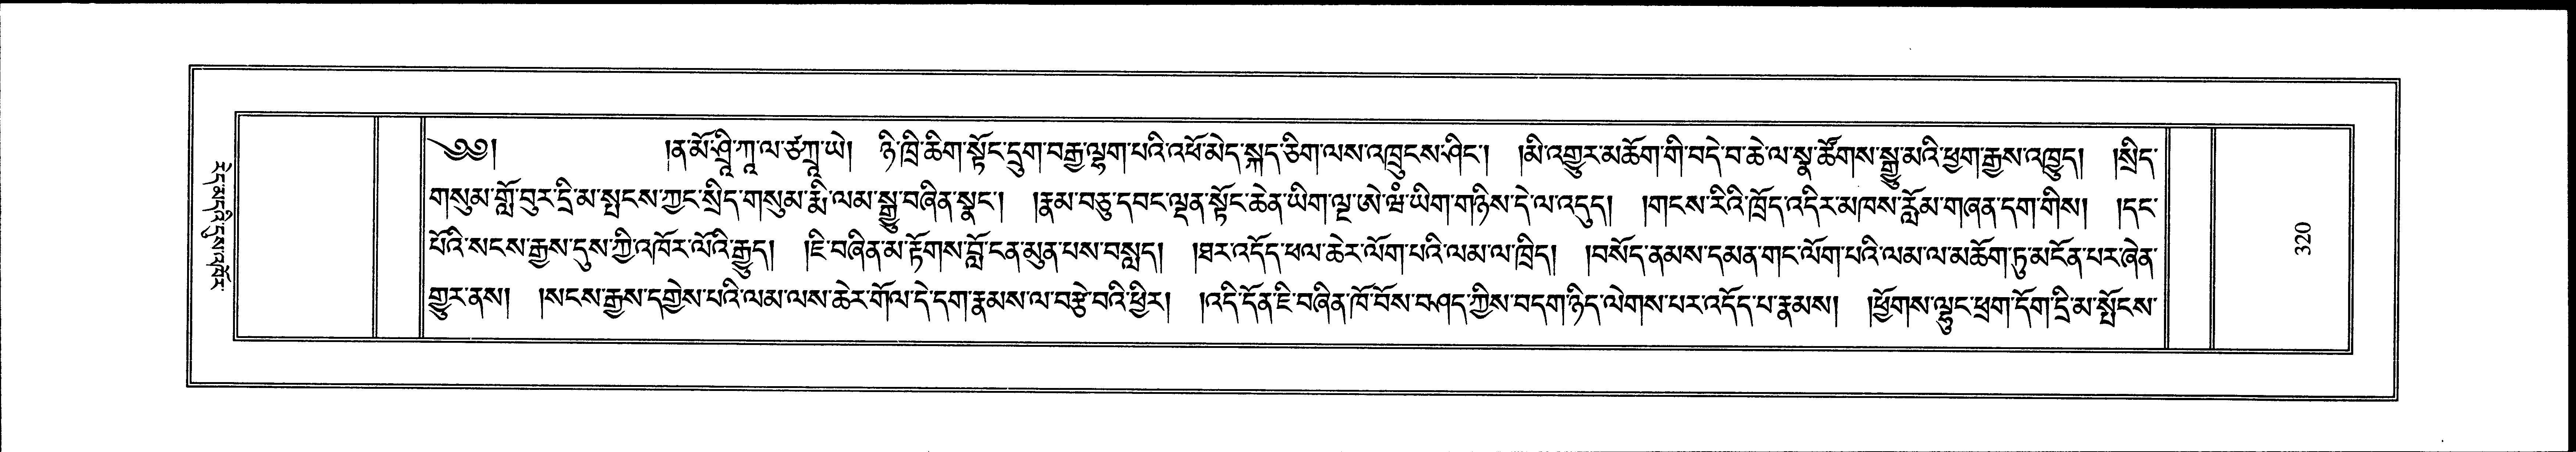༄༅། །ན་མོ་ཤྲཱི་ཀཱ་ལ་ཙཀྲཱ་ཡེ། ཉི་ཁྲི་ཆིག་སྟོང་དྲུག་བརྒྱ་ལྷག་པའི་འཕོ་མེད་སྐད་ཅིག་ལས་འཁྲུངས་ཤིང་། །མི་འགྱུར་མཆོག་གི་བདེ་བ་ཆེ་ལ་སྣ་ཚོགས་སྒྱུ་མའི་ཕྱག་རྒྱས་འཁྱུད། །སྲིད་
གསུམ་གློ་བུར་དྲི་མ་སྤངས་ཀྱང་སྲིད་གསུམ་རྨི་ལམ་སྒྱུ་བཞིན་སྣང་། །རྣམ་བཅུ་དབང་ལྡན་སྟོང་ཆེན་ཡིག་ལྔ་ཨེ་ཝཾ་ཡིག་གཉིས་དེ་ལ་འདུད། །གངས་རིའི་ཁྲོད་འདིར་མཁས་རློམ་གཞན་དག་གིས། །དང་
པོའི་སངས་རྒྱས་དུས་ཀྱི་འཁོར་ལོའི་རྒྱུད། །ཇི་བཞིན་མ་རྟོགས་བློ་ངན་མུན་པས་བསླད། །ཐར་འདོད་ཕལ་ཆེར་ལོག་པའི་ལམ་ལ་ཁྲིད། །བསོད་ནམས་དམན་གང་ལོག་པའི་ལམ་ལ་མཆོག་ཏུ་མངོན་པར་ཞེན་
གྱུར་ནས། །སངས་རྒྱས་དགྱེས་པའི་ལམ་ལས་ཆེར་གོལ་དེ་དག་རྣམས་ལ་བརྩེ་བའི་ཕྱིར། །འདི་དོན་ཇི་བཞིན་ཁོ་བོས་བཤད་ཀྱིས་བདག་ཉིད་ལེགས་པར་འདོད་པ་རྣམས། །ཕྱོགས་ལྷུང་ཕྲག་དོག་དྲི་མ་སྤོངས་